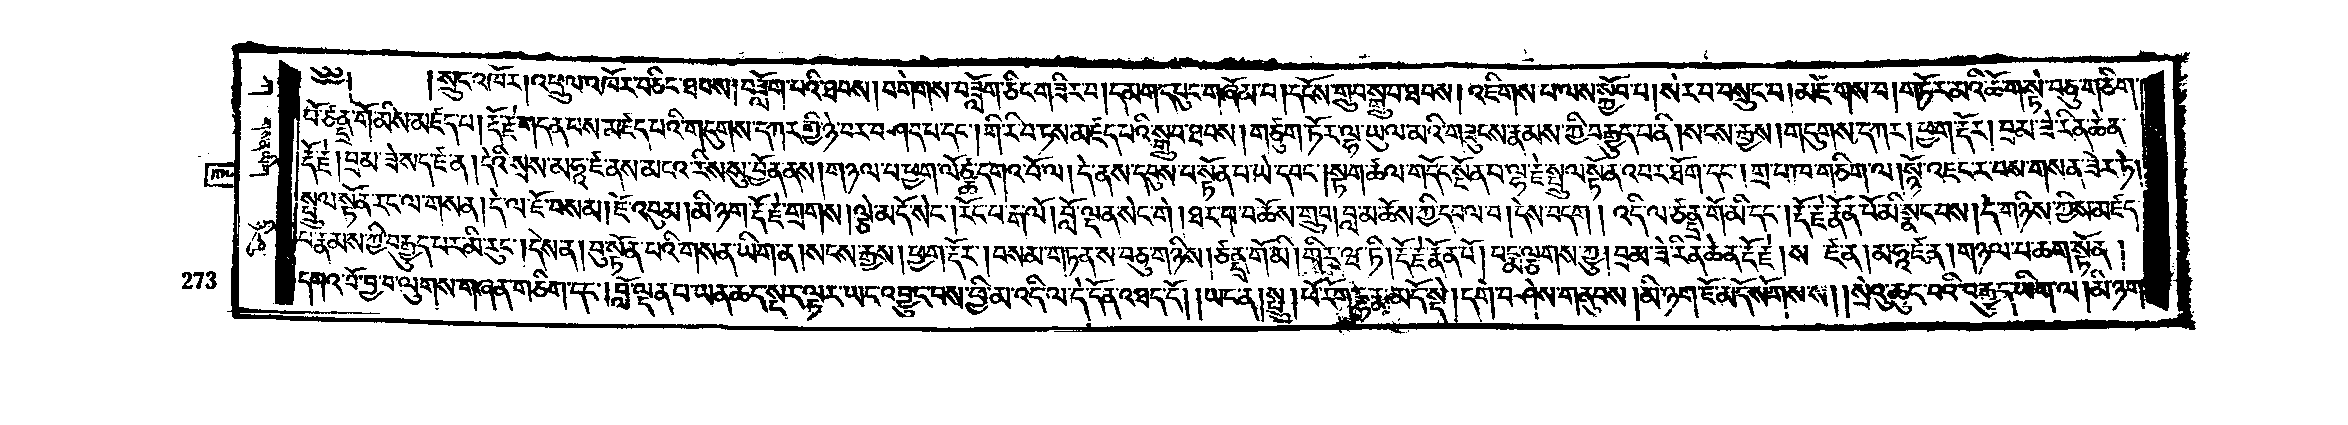༄༅། །སྲུང་འཁོར། འཕྲུལ་འཁོར་བཅིང་ཐབས། བཟློག་པའི་ཐབས། བགེགས་བཟློག་ཅིང་གཟིར་བ། དམག་དཔུང་གཞོམ་པ། དངོས་གྲུབ་སྒྲུབ་ཐབས། འཇིགས་པ་ལས་སྐྱོབ་པ། སེར་བ་བསྲུང་བ། མཛེ་གས་པ། གཏོར་མའི་ཆོ་ག་སྟེ་བཅུ་གཅིག་
པོ་ཙནྡྲ་གོ་མིས་མཛད་པ། རྡོ་རྗེ་གདན་པས་མཛད་པའི་གདུགས་དཀར་གྱི་ཉེ་བར་བཤད་པ་དང་། གི་རི་བ་ཏས་མཛད་པའི་སྒྲུབ་ཐབས། གཙུག་ཏོར་ལྷ་ཡུལ་མའི་གཟུངས་རྣམས་ཀྱི་བརྒྱུད་པ་ནི། སངས་རྒྱས། གདུགས་དཀར། ཕྱག་རྡོར། བྲམ་ཟེ་རིན་ཆེན་
རྡོ་རྗེ། བྲམ་ཟེ་སད་ཛ་ན། དེའི་སྲས་མཧཱ་ཛ་ནས་མངའ་རིས་སུ་བྱོན་ནས། གཉལ་པ་ཕྱག་ལོ་ཙྪ་དགའ་པོ་ལ། དེ་ནས་དབུས་པ་སྟོན་པ་ཡེ་དབང་། སྟག་ཚལ་གདོང་སྔོན་པ་ལྷ་རྗེ་སྤྲུལ་སྟོན་འབར་ཐོག་དང་། གྲ་བ་ཁ་གཅིག་ལ། སྙོ་འཇང་ར་བས་གསན་ཟེར་ཏེ།
སྤྲུལ་སྟོན་རང་ལ་གསན། དེ་ལ་ཇོ་བསམ། ཇོ་འབུམ། མི་ཉག་རྡོ་རྗེ་གྲགས། ལྕེ་མདོ་སེང་། རོང་པ་རྒ་ལོ། བློ་ལྡན་སེང་གེ། ཐར་པ་བ་ཆོས་གྲུབ། བླ་མ་ཆོས་ཀྱི་དཔལ་བ། དེས་བདག །འདི་ལ་ཙནྡྲ་གོ་མི་དང་། རྡོ་རྗེ་རྣོན་པོ་མི་སྣང་བས། དེ་གཉིས་ཀྱིས་མཛད་
པ་རྣམས་ཀྱི་བརྒྱུད་པར་མི་རུང་། དེས་ན། བུ་སྟོན་པའི་གསན་ཡིག་ན། སངས་རྒྱས། ཕྱག་རྡོར། བསམ་གཏན་ས་བཅུ་གཉིས། ཙནྡྲ་གོ་མི། གིར་ཝ་ཏི། རྡོ་རྗེ་རྣོན་པོ། པདམ་ལྕགས་ཀྱུ། བྲམ་ཟེ་རིན་ཆེན་རྡོ་རྗེ། ས་ཛ་ན། མཧཱ་ཛ་ན། གཉལ་པ་ཆག་སྟོན།
དགའ་བོ་བྱ་བ་ལུགས་གཞན་གཅིག་དང་། བློ་ལྡན་པ་ཡན་ཆད་སྔར་ལྟར་ཡང་འབྱུང་བས་ཕྱི་མ་འདི་ལ་དེ་དོན་འཐད་དོ། ཡང་ན། སྤྲུ། ཕོ་རོག་དྷརྨ་མདོ་སྡེ། དགེ་བཤེས་གནུབས། མི་ཉག་ཇོ་མདོ་སོགས་ས། སྲེའུ་ཆུང་བའི་བརྒྱུད་ཡིག་ལ། མི་ཉག་